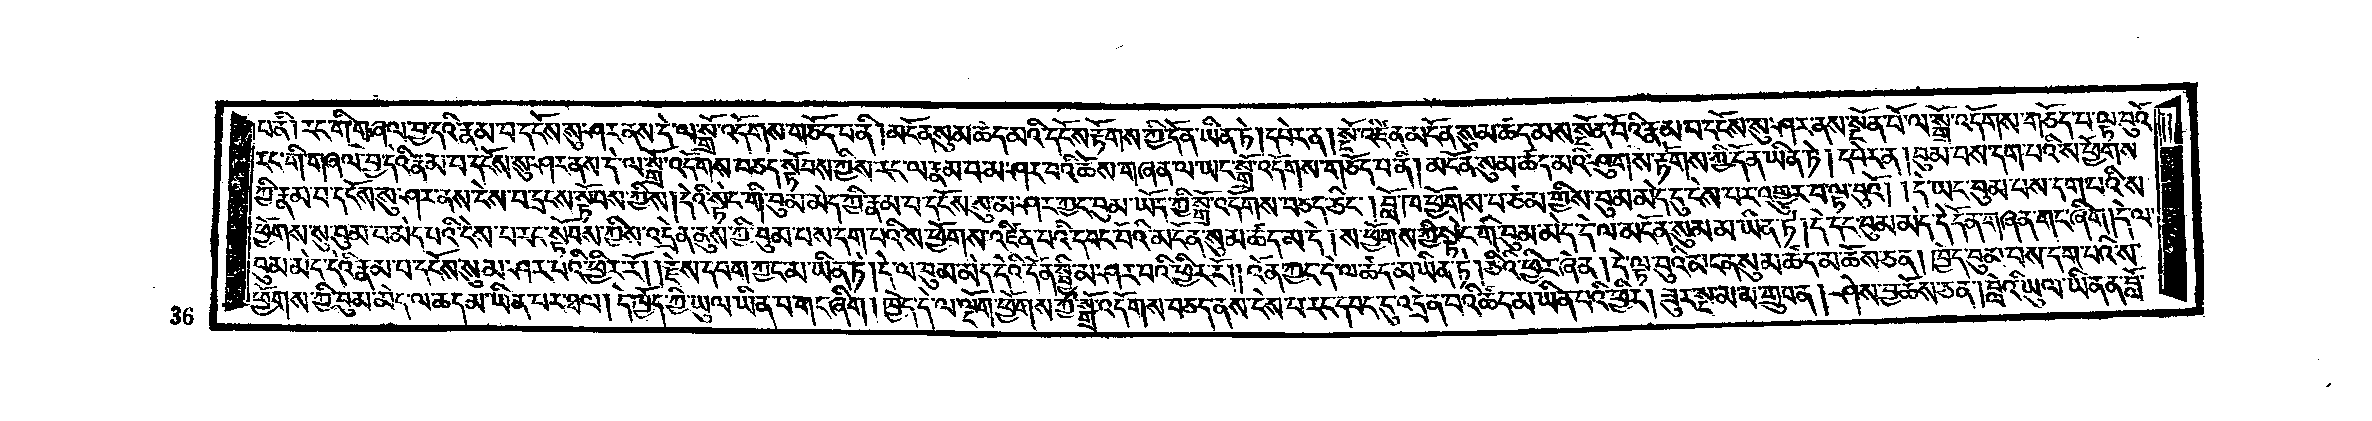པ་ནི། རང་གི་གཞལ་བྱ་དེའི་རྣམ་པ་དངོས་སུ་ཤར་ནས་དེ་ལ་སྒྲོ་འདོགས་གཅོད་པ་ནི། མངོན་སུམ་ཚད་མའི་དངོས་རྟོགས་ཀྱི་དོན་ཡིན་ཏེ། དཔེར་ན། སྔོ་འཛིན་མངོན་སུམ་ཚད་མས་སྔོན་པོའི་རྣམ་པ་དངོས་སུ་ཤར་ནས་སྔོན་པོ་?་ལ་སྒྲོ་འདོགས་གཅོད་པ་ལྟ་བུའོ་
རང་གི་གཞལ་བྱ་དེའི་རྣམ་པ་དངོས་སུ་ཤར་ནས་དེ་ལ་སྒྲོ་འདོགས་བཅད་སྟོབས་ཀྱིས་རང་ལ་རྣམ་པ་མ་ཤར་བའི་ཆོས་གཞན་ལ་ཡང་སྒྲོ་འདོགས་གཅོད་པ་ནི། མངོན་སུམ་ཚད་མའི་ཤུགས་རྟོགས་ཀྱི་དོན་ཡིན་ཏེ། དཔེར་ན། བུམ་པས་དག་པའི་ས་ཕྱོགས་
ཀྱི་རྣམ་པ་དངོས་སུ་ཤར་ནས་ངེས་པ་དྲངས་སྟོབས་ཀྱིས། དེའི་སྟེང་གི་བུམ་མེད་ཀྱི་རྣམ་པ་དངོས་སུ་མ་ཤར་ཀྱང་བུམ་ཡོད་ཀྱི་སྒྲོ་འདོགས་བཅད་ཅིང་། བློ་ཁ་ཕྱོགས་པ་ཙམ་གྱིས་བུམ་མེད་དུ་ངེས་པར་འགྱུར་བ་ལྟ་བུའོ། །དེ་ཡང་བུམ་པས་དག་པའི་ས་
ཕྱོགས་སུ་བུམ་པ་མེད་པའི་ངེས་པ་རང་སྟོབས་ཀྱིས་འདྲེན་ནུས་ཀྱི་བུམ་པས་དག་པའི་ས་ཕྱོགས་འཛིན་པའི་དབང་པོའི་མངོན་སུམ་མ་ཚད་མ་དེ། ས་ཕྱོགས་ཀྱི་སྟེང་གི་བུམ་མེད་དེ་ལ་མངོན་སུམ་མ་ཡིན་ཏེ། དེ་དང་བུམ་མེད་དེ་དོན་གཞན་གང་ཞིག །དེ་ལ་
བུམ་མེད་དེའི་རྣམ་པ་དངོས་སུམ་ཤར་པའི་ཕྱིར་རོ། །རྗེས་དཔག་ཀྱང་མ་ཡིན་ཏེ། དེ་ལ་བུམ་མེད་དེའི་དོན་སྤྱི་མ་ཤར་པའི་ཕྱིར་རོ། །འོན་ཀྱང་དེ་ལ་ཚད་མ་ཡིན་ཏེ། ཅིའི་ཕྱིར་ཞེ་ན། དེ་ལྟ་བུའི་མངོན་སུམ་ཚད་མ་ཆོས་ཅན། ཁྱེད་བུམ་པས་དག་པའི་ས་
ཕྱོགས་ཀྱི་བུམ་མེད་ལ་ཚད་མ་ཡིན་པར་ཐལ། དེ་ཁྱོད་ཀྱི་ཡུལ་ཡིན་པ་གང་ཞིག །ཁྱོད་དེ་ལ་ལྡོག་ཕྱོགས་ཀྱི་སྒྲོ་འདོགས་བཅད་ནས་ངེས་པ་རང་དབང་དུ་འདྲེན་པའི་ཚད་མ་ཡིན་པའི་ཕྱིར། ཟུར་སྔ་མ་མ་གྲུབ་ན། ཤེས་ན་ཆེས་ཅན། བློའི་?་ཡུལ་ཡིན་ན་བློ་